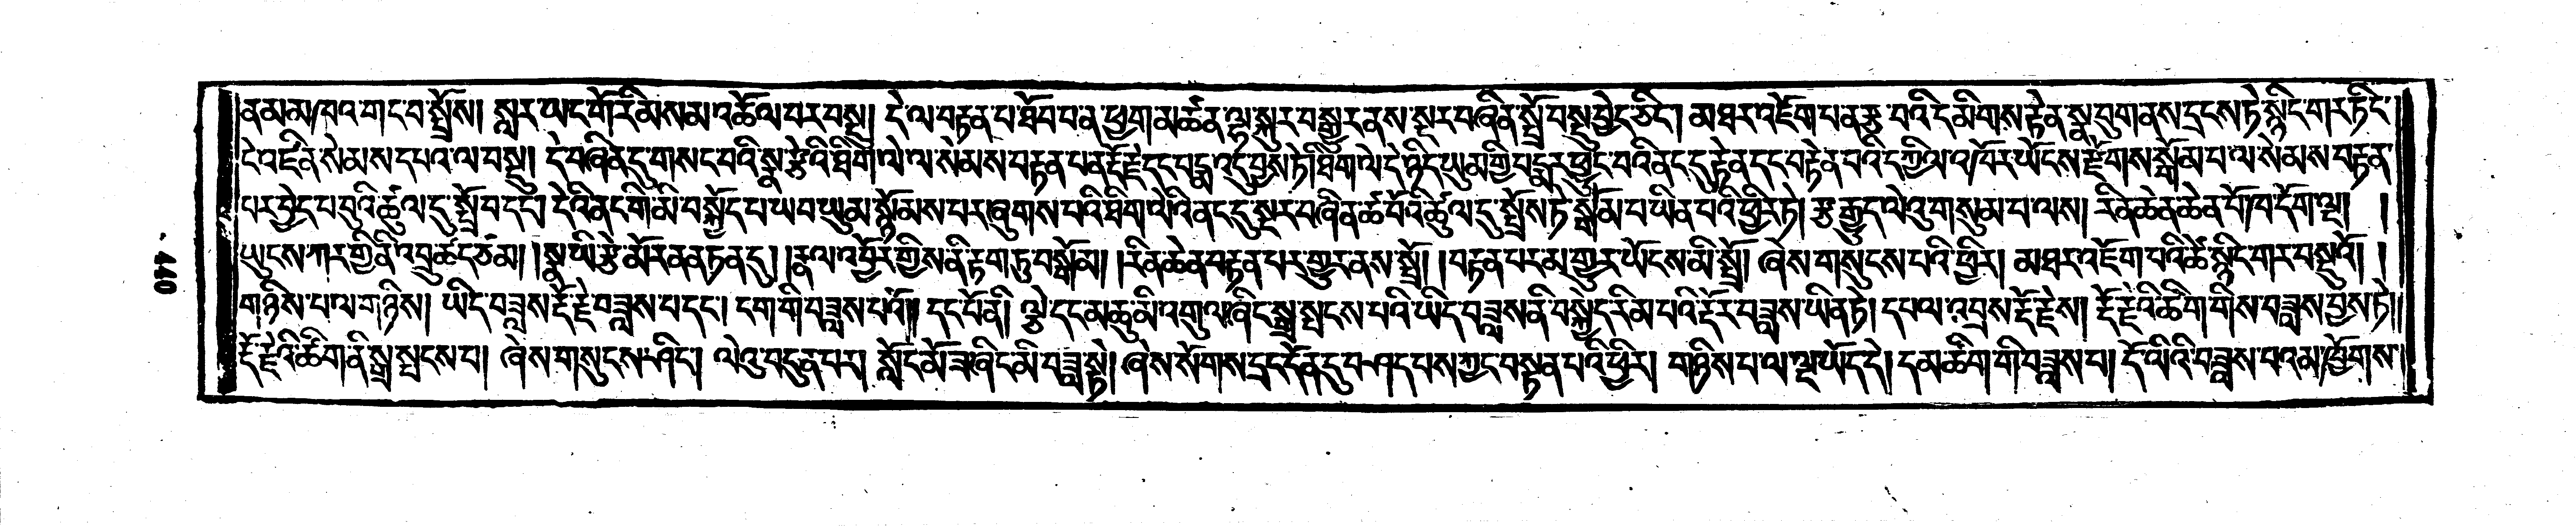ནམ་མཁའ་གང་བ་སྤྲོས། སླར་ཡང་གོ་རིམས་མ་འཆོལ་བར་བསྡུ། དེ་ལ་བརྟན་པ་ཐོབ་པ་ན་ཕྱག་མཚན་ལྷ་སྐུར་བསྒྱུར་ནས་སྔར་བཞིན་སྤྲོ་བསྡུ་བྱེད་ཅིང་། མཐར་འཇོག་པ་ན་རྩ་བའི་དམིགས་རྟེན་སྣ་བུག་ནས་དྲངས་ཏེ་སྙིང་གར་ཏིང་
ངེ་འཛིན་སེམས་དཔའ་ལ་བསྡུ། དེ་བཞིན་དུ་གསང་བའི་སྣ་རྩེའི་ཐིག་ལེ་ལ་སེམས་བརྟན་པ་ན་རྡོ་རྗེ་དང་པདམ་འདུ་བྱས་ཏེ། ཐིག་ལེ་དེ་ཉིད་ཡུམ་གྱི་པདམར་ཕྱུང་བའི་ནང་དུ་རྟེན་དང་བརྟེན་པའི་དཀྱིལ་འཁོར་ཡོངས་རྫོགས་སྒོམ་པ་ལ་སེམས་བརྟན་
པར་བྱེད་པ་བུའི་ཚུལ་དུ་སྤྲོ་བ་དང་། དེའི་ནང་གི་མི་བསྐྱོད་པ་ཡབ་ཡུམ་སྙོམས་པར་ཞུགས་པའི་ཐིག་ལེའི་ནང་དུ་སྔར་བཞིན་ཚ་བོའི་ཚུལ་དུ་སྤྲོས་ཏེ་སྒོམ་པ་ཡིན་པའི་ཕྱིར་ཏེ། རྩ་རྒྱུད་ལེའུ་གསུམ་པ་ལས། རིན་ཆེན་ཆེན་པོ་ཁ་དོག་ལྔ། །
ཡུངས་ཀར་གྱི་ནི་འབྲུ་ཚད་ཙམ། །སྣ་ཡི་རྩེ་མོར་ནན་ཏན་དུ། །རྣལ་འབྱོར་གྱིས་ནི་རྟག་ཏུ་བསྒོམ། །རིན་ཆེན་བརྟན་པར་གྱུར་ནས་སྤྲོ། །བརྟན་པར་མ་གྱུར་ཡོངས་མི་སྤྲོ། ཞེས་གསུངས་པའི་ཕྱིར། མཐར་འཇོག་པའི་ཚེ་སྙིང་གར་བསྡུའོ། །
གཉིས་པ་ལ་གཉིས། ཡིད་བཟླས་རྡོ་རྗེ་བཟླས་པ་དང་། ངག་གི་བཟླས་པའོ། །དང་པོ་ནི། ལྕེ་དང་མཆུ་མི་འགུལ་ཞིང་སྒྲ་སྤངས་པའི་ཡིད་བཟླས་ནི་བསྐྱེད་རིམ་པའི་རྡོར་བཟླས་ཡིན་ཏེ། དཔལ་འབྲས་རྡོ་རྗེས། རྡོ་རྗེའི་ཚིག་གིས་བཟླས་བྱས་ཏེ།
རྡོ་རྗེའི་ཚིག་ནི་སྒྲ་སྤངས་པ། ཞེས་གསུངས་ཤིང་། ལེའུ་བདུན་པར། སློང་མོ་ཟ་ཞིང་མི་བཟླ་སྟེ། ཞེས་སོགས་དྲང་དོན་དུ་བཤད་པས་ཀྱང་བསྟན་པའི་ཕྱིར། གཉིས་པ་ལ་ལྔ་ཡོད་དེ། དམ་ཚིག་གི་བཟླས་པ། དོ་ལིའི་བཟླས་པའམ་ཁྱོགས་